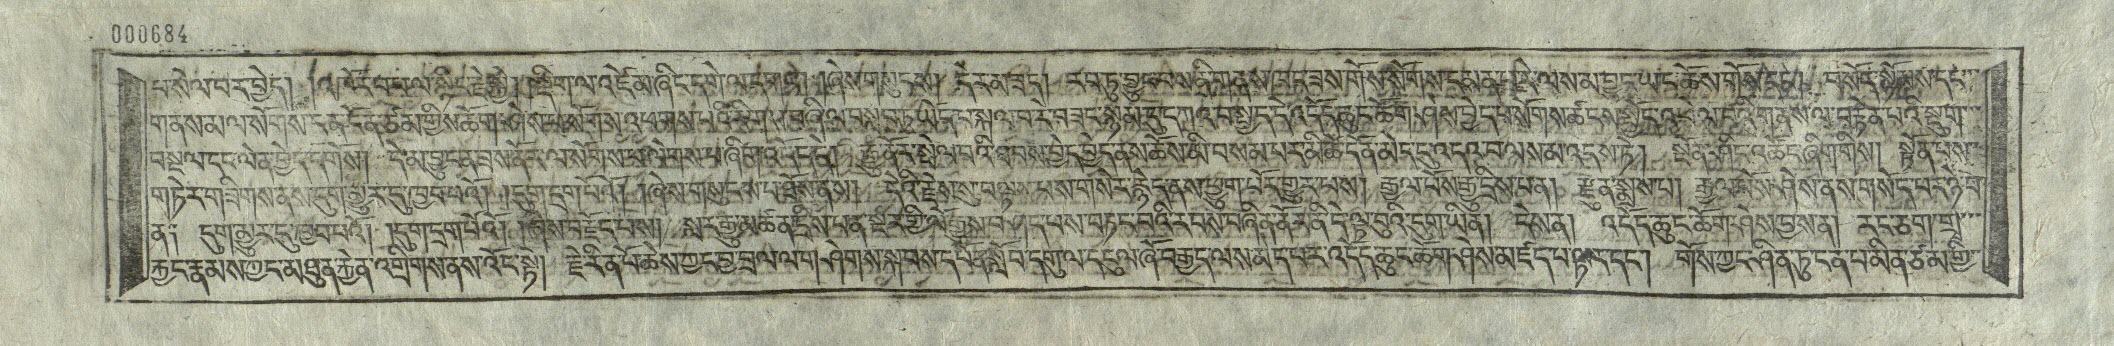པ་སེལ་བར་བྱེད། །འཁོར་བ་པ་ལ་སྙིང་རྗེ་སྐྱེ། །སྡིག་ལ་འཛེམ་ཞིང་དགེ་ལ་དགའ། །ཞེས་གསུངས། དེར་མ་ཟད། རབ་ཏུ་བྱུང་བས་ནི་གནས་ཁང་ཟས་གོས་སོགས་དམན་པ་རེ་ལས་མ་བྱུང་ཡང་ཆོས་གོས་དང་། བསོད་སྙོམས་དང་
གནས་མལ་སོགས་ངན་ངོན་ཙམ་གྱིས་ཆོག་ཤེས་པ་སོགས་འཕགས་པའི་རིགས་བཞི་ལ་བསླབ་ཏུ་ཡོད་པ་སྐལ་བ་རེ་བཟང་སྙམ་དུ་དཀའ་བ་སྤྱད་དེ་འདོད་ཆུང་ཆོག་ཤེས་བྱེད་པ་སོགས་ཚངས་སྤྱོད་འཕེལ་བའི་གནས་ལ་བརྟེན་པའི་སྡུག་
བསྔལ་དང་ལེན་བྱེད་དགོས། དེ་མ་བྱུང་ན་ཟས་ནོར་ལ་སོགས་པ་ལེགས་པ་ཞིག་འདོད་དེ། རྒྱུ་ནོར་སྤེལ་བའི་ཐབས་བྱེད་བྱེད་ནས་ཆོས་མི་བསམ་པར་མི་ཚེ་དོན་མེད་དུ་འདའ་བ་ལས་མ་འདས་ཏེ། སྔོན་ཤིང་འཚོང་ཞིག་གིས། སྟོན་པས་
གཏེར་གཟིགས་ནས་དུག་མྱུར་དུ་ཁྱབ་པའོ། །དུག་དྲག་པོའོ། །ཞེས་གསུངས་པ་ཐོས་ནས། དེའི་རྗེས་སུ་བལྟས་པས་གསེར་རྙེད་ནས་ཕྱུག་པོར་གྱུར་པས། རྒྱལ་པོས་རྒྱུ་དྲིས་པ་ན། རྫུན་སྨྲས་པ། རྒྱལ་པོས་ཤེས་ནས་གསོད་པར་ཉེ་བ་
ན༑ དུག་མྱུར་དུ་ཁྱབ་པའོ། །དུག་དྲག་པོའོ། །ཞེས་བརྗོད་པས། སླར་རྒྱུ་མཚན་དྲིས་པ་ན་སྔར་གྱི་ལོ་རྒྱུས་བཤད་པས་བཏང་བའི་རབས་བཞིན་ནོར་ནི་དེ་ལྟ་བུའི་དུག་ཡིན། དེས་ན། འདོད་ཆུང་ཆོག་ཤེས་བྱས་ན། རང་ཅག་གྲྭ་
རྐྱང་རྣམས་ཀྱང་མཐུན་རྐྱེན་འགྲིགས་ནས་འོང་སྟེ། རྗེ་རིན་པོ་ཆེས་ཀྱང་བྱ་བྲལ་ལ་གཤེགས་སྐབས་དཔོན་སློབ་དགུ་ལ་དངུལ་ཞོ་བརྒྱད་ལས་མེད་པར་འདོད་ཆུང་ཆོག་ཤེས་མཛད་པ་ལྟར་དང་། གོས་ཀྱང་ཤིན་ཏུ་ངན་པ་མིན་ཙམ་གྱི་